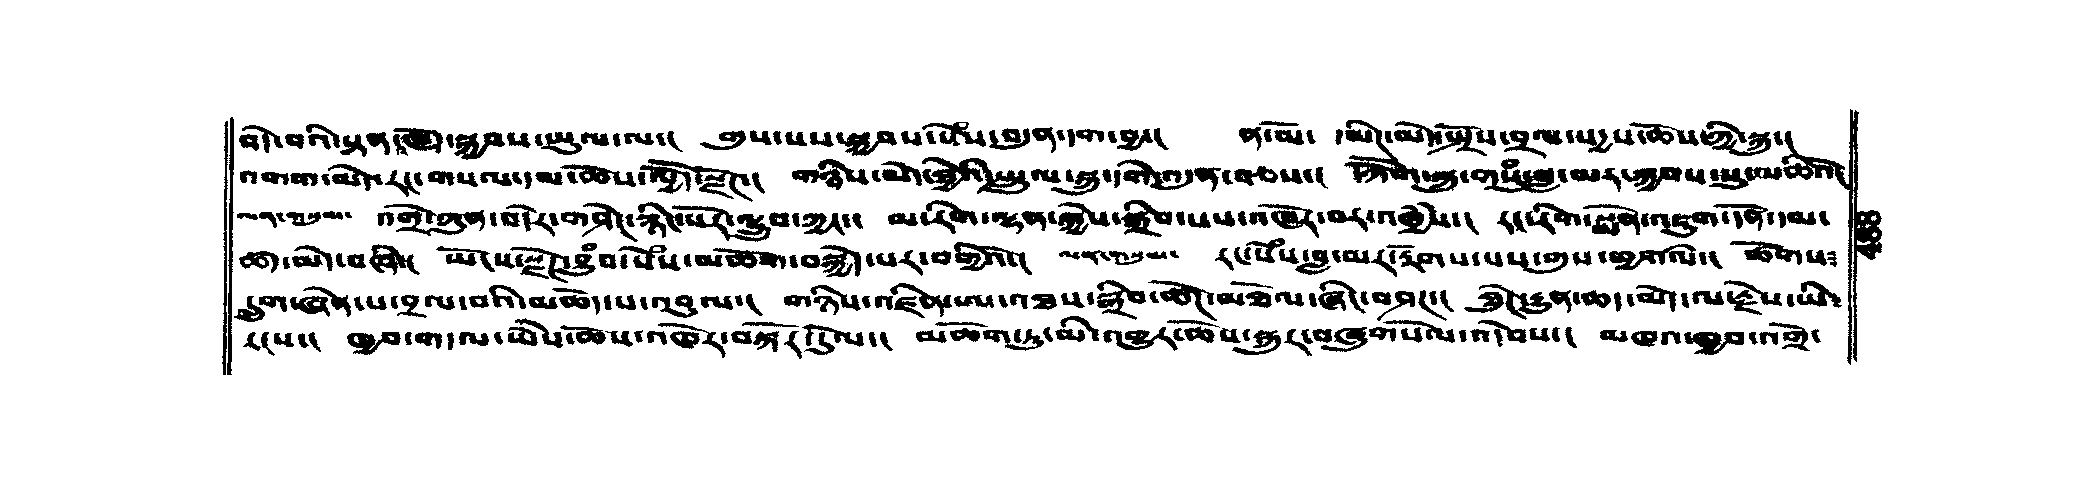བདེ་བའི་སྟན་འཁོད་སྐྱབས་ཡུལ་ལ་། །གུས་པས་སྐྱབས་སེམས་བདུན་དག་བྱ། །ན་མོ་དམིགས་མེད་སྤྲོས་བྲལ་སངས་རྒྱས་ཆོས་ཀྱི་སྐུ། །
འགག་མེད་རང་གསལ་དམ་ཆོས་ལོངས་སྤྱོད་རྫོགས། །གཉིས་མེད་ཐུགས་རྗེའི་སྤྲུལ་སྐུ་དགེ་འདུན་བཅས། །དཀོན་མཆོག་སྐུ་གསུམ་བླ་མར་སྐྱབས་སུ་མཆིའོ། །
ལན་གསུམ། འགྲོ་ཀུན་བདེར་བཤེགས་སྙིང་པོ་ལྷུན་གྲུབ་ཀྱང་། །མ་རིག་ལྷན་སྐྱེས་སྒྲིབ་པས་འཁོར་བར་འཁྱམས། །རང་རིག་སྨོན་འཇུག་དོན་དམ་
ཚད་མེད་བཞི། །ཡོངས་རྫོགས་བྱང་ཆུབ་སེམས་མཆོག་བསྐྱེད་པར་བགྱིའོ། །ལན་གསུམ། རང་སེམས་བླ་མར་རྟོགས་པས་གུས་ཕྱག་འཚལ། །ཚོགས་
དྲུག་ཞེན་པ་བྲལ་བའི་མཆོད་པ་འབུལ། །གཉིས་འཛིན་ཨ་འཐས་སྒྲིབ་ཚོགས་མཐོལ་ཞིང་བཤགས། །ཐུགས་རྗེ་རྒྱུན་ཆད་མེད་ལ་རྗེས་ཡི་
རང་། །ཁྱབ་གདལ་ཡེ་ཤེས་ཆོས་བཁོར་བསྐོར་དུ་གསོལ། །མཆོག་ཏུ་མི་འགྱུར་ཆོས་སྐུར་བཞུགས་གསོལ་འདེབས། །མཁའ་ཁྱབ་འགྲོ་